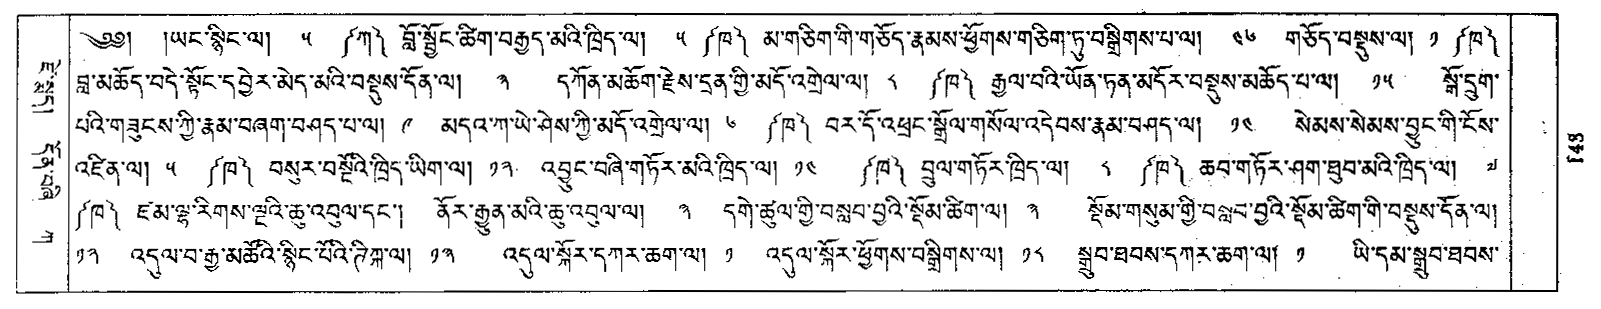༄༅། །ཡང་སྙིང་ལ། ༥་?ཀ༼་བློ་སྦྱོང་ཚིག་བརྒྱད་མའི་ཁྲིད་ལ། ༥་?ཁ༽ མ་གཅིག་གི་གཅོད་རྣམས་ཕྱོགས་གཅིག་ཏུ་བསྒྲིགས་པ་ལ། ༤༦་གཅོད་བསྡུས་ལ། ༡་?ཁ
བླ་མཆོད་བདེ་སྟོང་དབྱེར་མེད་མའི་བསྡུས་དོན་ལ། ༣་དཀོན་མཆོག་རྗེས་དྲན་གྱི་མདོ་འགྲེལ་ལ། ༨་?ཁ་རྒྱལ་བའི་ཡོན་ཏན་མདོར་བསྡུས་མཆོད་པ་ལ། ༡༥་སྒོ་དྲུག་
པའི་གཟུངས་ཀྱི་རྣམ་བཞག་བཤད་པ་ལ། ༩་མདའ་ཀ་ཡེ་ཤེས་ཀྱི་མདོ་འགྲེལ་ལ། ༦་?ཁ་བར་དོ་འཕྲང་སྒྲོལ་གསོལ་འདེབས་རྣམ་བཤད་ལ། ༡༤་སེམས་སེམས་བྱུང་གི་ངོས་
འཛིན་ལ། ༥་?ཁ༼་བསུར་བསྔོའི་ཁྲིད་ཡིག་ལ། ༡༢་འབྱུང་བཞི་གཏོར་མའི་ཁྲིད་ལ། ༡༤་?ཁ༽ བྲུལ་གཏོར་ཁྲིད་ལ། ༨་?ཁ་ཆབ་གཏོར་ཤག་ཐུབ་མའི་ཁྲིད་ལ། ༧
?ཁ་ཛམ་ལྷ་རིགས་ལྔའི་ཆུ་འབུལ་དང་། ནོར་རྒྱུན་མའི་ཆུ་འབུལ་ལ། ༣་དགེ་ཚུལ་གྱི་བསླབ་བྱའི་སྡོམ་ཚིག་ལ། ༣་སྡོམ་གསུམ་གྱི་བསླབ་བྱའི་སྡོམ་ཚིག་གི་བསྡུས་དོན་ལ།
༡༢་འདུལ་བ་རྒྱ་མཚོའི་སྙིང་པོའི་ཊིཀྐ་ལ། ༡༣་འདུལ་སྐོར་དཀར་ཆག་ལ། ༡་འདུལ་སྐོར་ཕྱོགས་བསྒྲིགས་ལ། ༡༨་སྒྲུབ་ཐབས་དཀར་ཆག་ལ། ༡་ཡི་དམ་སྒྲུབ་ཐབས་